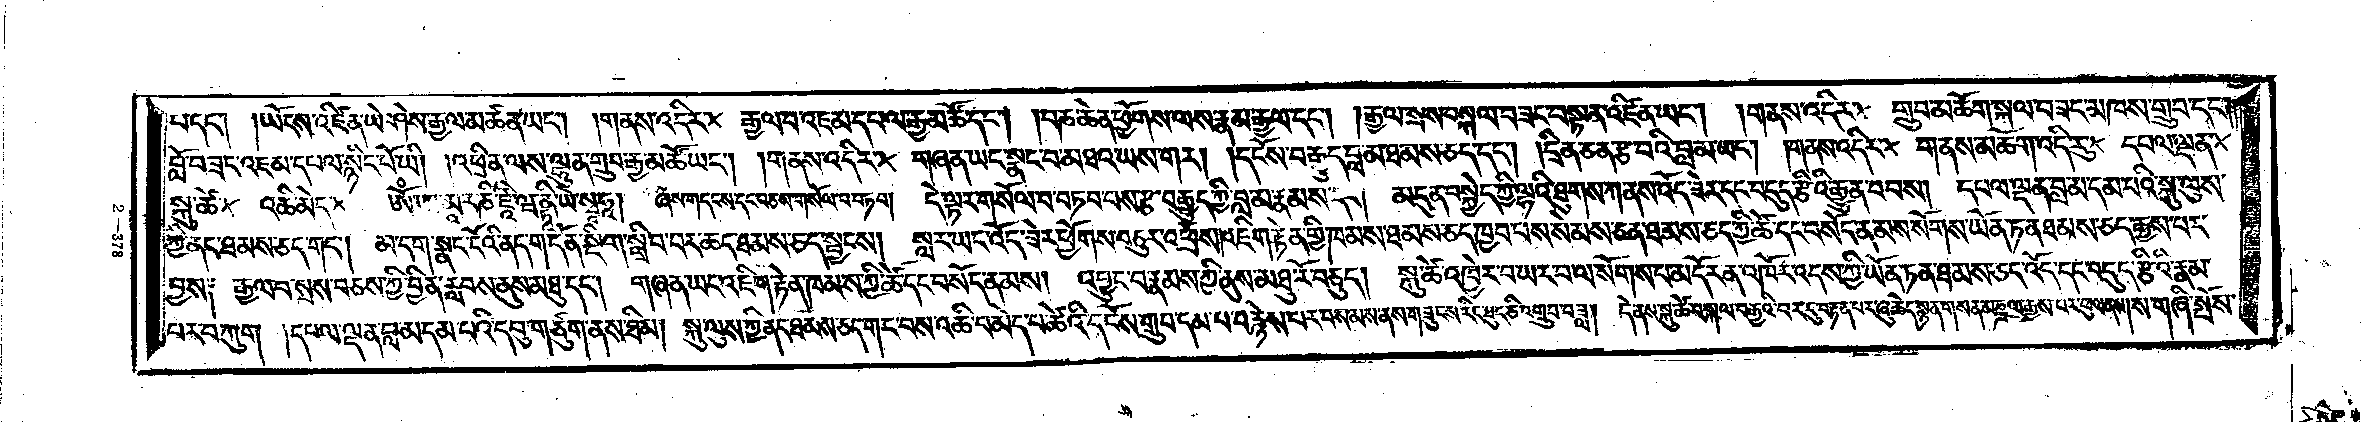པ་དང་། །ཡོངས་འཛིན་ཡེ་ཤེས་རྒྱལ་མཚན་ཡང་། །གནས་འདིར྾་རྒྱལ་བ་འཇམ་དཔལ་རྒྱ་མཚོ་དང་། །པཎ་ཆེན་ཕྱོགས་ལས་རྣམ་རྒྱལ་དང་། །རྒྱལ་སྲས་བསྐལ་བཟང་བསྟན་འཛིན་ཡང་། །གནས་འདིར྾་གྲུབ་མཆོག་སྐལ་བཟང་མཁས་གྲུབ་དང།།
བློ་བཟང་འཇམ་དཔལ་སྙིང་པོ་ཡི། །འཕྲིན་ལས་ལྷུན་གྲུབ་རྒྱ་མཚོ་ཡང་། །གནས་འདིར྾་གཞན་ཡང་སྣང་བ་མཐའ་ཡས་གར། །དངོས་བརྒྱུད་བླ་མ་ཐམས་ཅད་དང་། །དྲིན་ཅན་རྩ་བའི་བླ་མ་ཡང་། །གནས་འདིར྾་གནས་མཆོག་འདི་རུ྾་དཔལ་ལྡན྾་
སྐུ་ཚེ྾་འཆི་མེད྾་ཨོཾ་ཨཱ་མ་ར་ཎི་ཛཱ་ཝ་ནྟཱི་ཡེ་སྭཱཧཱ། ཞེས་གདངས་དང་བཅས་གསོལ་བ་བཏག་དེ་ལྟར་གསོལ་བ་བཏབ་པས་རྩ་བརྒྱུད་ཀྱི་བླ་མ་རྣམས་དང་། མདུན་བསྐྱེད་ཀྱི་ལྷའི་ཐུགས་ཀ་ནས་འོད་ཟེར་དང་བདུད་རྩིའི་རྒྱུན་བབས། དཔལ་ལྡན་བླ་མ་དམ་པའི་སྐུ་ལུས་
ཀྱི་ནང་ཐམས་ཅད་གང་། མ་དག་སྣང་ངོའི་ནད་གདོན་སྡིག་སྒྲིབ་པར་ཆད་ཐམས་ཅད་སྦྱངས། སླར་ཡང་འོད་ཟེར་ཕྱོགས་བཅུར་འཕྲོས། འཇིག་རྟེན་གྱི་ཁམས་ཐམས་ཅད་ཁྱབ་པས་སེམས་ཅན་ཐམས་ཅད་ཀྱི་ཚེ་དང་བསོད་ནམས་སོགས་ཡོན་ཏན་ཐམས་ཅད་རྒྱས་པར་
བྱས༑ རྒྱལ་བ་སྲས་བཅས་ཀྱི་བྱིན་རླབས་ནུས་མཐུ་དང་། གཞན་ཡང་འཇིག་རྟེན་ཁམས་ཀྱི་ཚེ་དང་བསོད་ནམས། འབྱུང་བ་རྣམས་ཀྱི་ནུས་མཐུ་རོ་བཅུད། སྐུ་ཚེ་འཁྱེར་བ་ཡར་བ་ལ་སོགས་པ་མདོར་ན་འཁོར་འདས་ཀྱི་ཡོན་ཏན་ཐམས་ཅད་འོད་དང་བདུད་རྩིའི་རྣམ་
པར་བཀུག །དཔལ་ལྡན་བླ་མ་དམ་པའི་དབུ་གཙུག་ནས་ཐིམ། སྐུ་ལུས་ཀྱི་ནང་ཐམས་ཅད་གང་བས་འཆི་བ་མེད་པ་ཚེའི་དངོས་གྲུབ་དམ་པ་བརྙེས་པར་བསམས་ནས་གཟུངས་རིང་ཐུང་ཅི་འགྲུབ་བཟླ། དེ་ནས་སྐུ་ཚེ་བསྐལ་བརྒྱའི་བར་དུ་བརྟན་པར་ཞུ་ཆེད་སྙན་གསན་མཎྜལ་རྒྱས་པར་ཕུལ་ནས།  ས་གཞི་སྤོས་